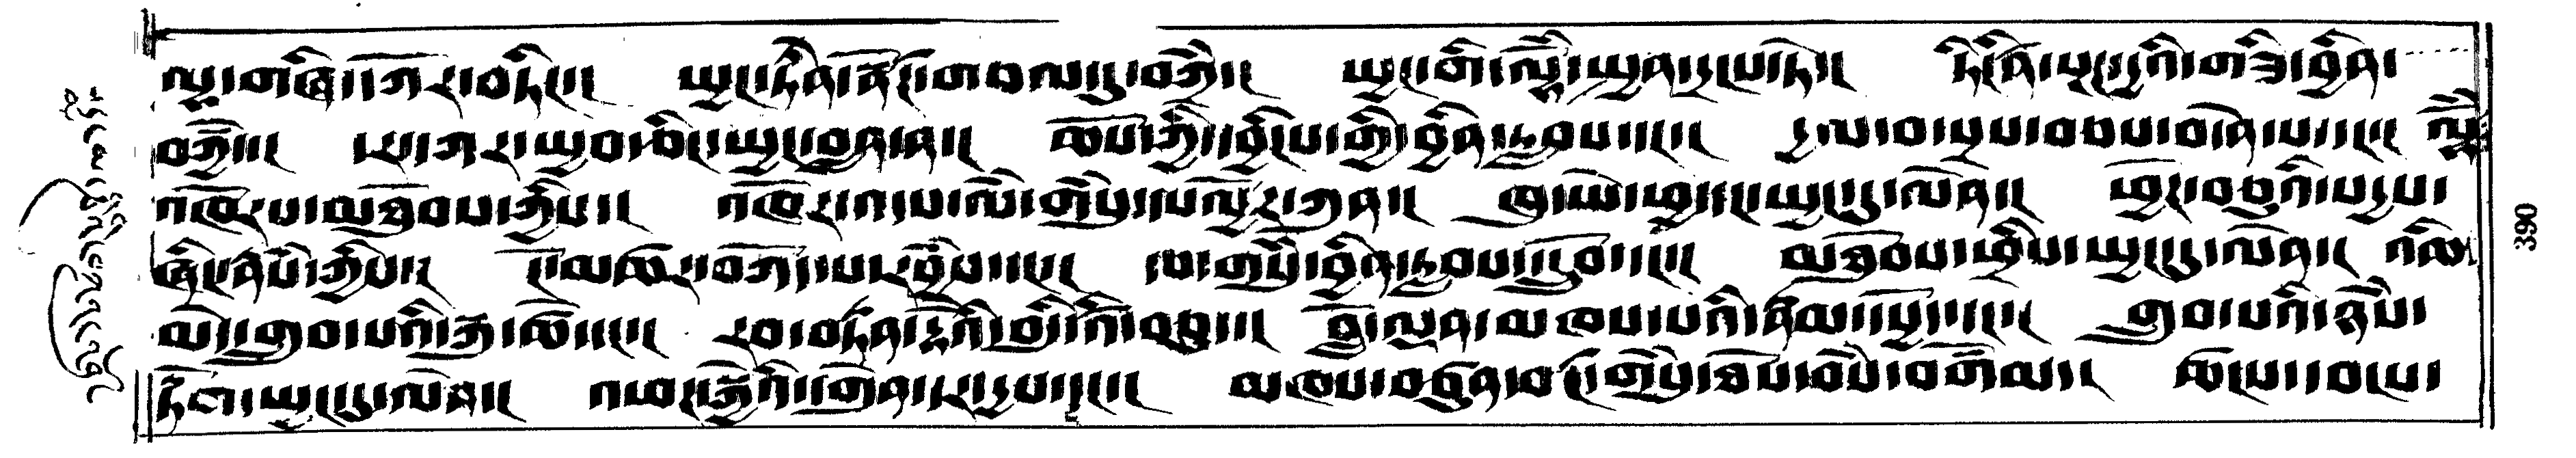ལྷ་གཞི་དཀར་པོ་བཏིང་། །གཡང་རྟེན་སྣ་ཚོགས་གཅལ་དུ་བཀྲམ། །གཡང་གི་ལྷ་མོ་སྤྱན་དྲངས་ཏེ། །ཏིང་འཛིན་སྔགས་རྒྱའི་གཟི་བྱིན་
བསྐྱེད། །དར་དཀར་གཡབ་ཅིང་གཡང་བླན་ན། །ཆོས་ཀྱི་དབྱིངས་ཀྱི་བྱིན་རླབས་དང་། །རྒྱལ་བ་སྲས་བཅས་བདེན་པ་དང་། །ལྷ་མོ་
འཁོར་བཅས་མཐུ་སྟོབས་ཀྱིས། །འཁོར་འདས་ལམ་གསུམ་དཔལ་འབྱོར་ཀུན།ཁུ་ཡེ་ཕྱྭ་དང་གཡང་དུ་ལེན། །ཕྱོགས་བཅུའི་སངས་རྒྱས་
ཞིང་རྣམས་ཀྱིས། །ངོ་མཚར་བཀོད་པ་རབ་འབྱམས་དང་། །རྩ་གསུམ་བྱིན་རླབས་དངོས་གྲུབ་དང་། །མཐུ་སྟོབས་ཕྲིན་ལས་གཡང་དུ་ལེན། །འཆི་
མེད་གྲུབ་པའི་སྐུ་ཚེ་དང་། །རབ་བརྟན་རྡོ་རྗེའི་བདུད་རྩིའི་བཅུད། །བློ་ལྡན་མཁས་པའི་རྣམ་དཔྱོད་དང་། །གྲུབ་པའི་ཉམས་
རྟོགས་གཡང་དུ་ལེན། །འཕགས་སྐྱེའི་དགེ་འདུན་དར་རྒྱས་དང་། །མཁས་བཙུན་བཟང་གསུམ་ཐོས་བསམ་བསྒོམ། །ཚངས་དབང་